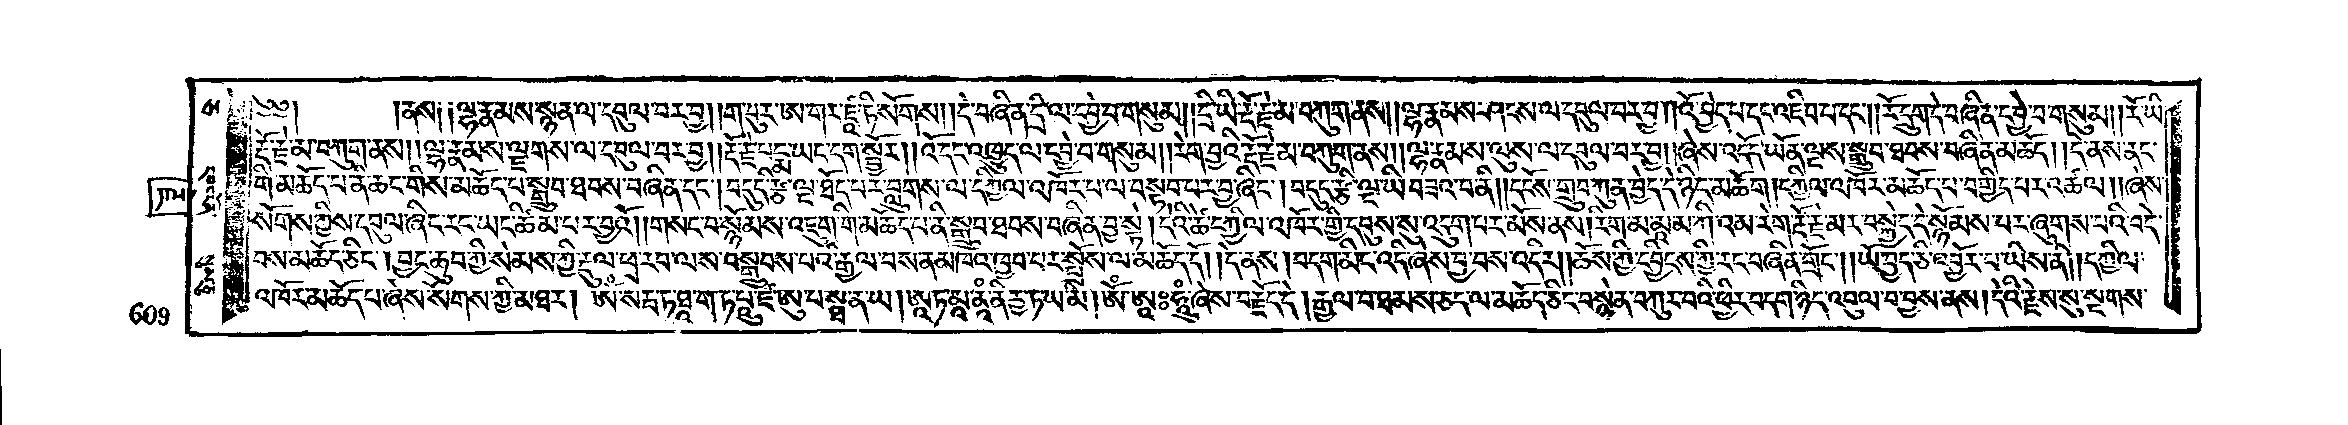༄༅། །ནས། །ལྷ་རྣམས་སྙན་ལ་དབུལ་བར་བྱ། །ག་བུར་ཨ་གར་ཛཱ་ཏི་སོགས། །དེ་བཞིན་དྲི་ལ་དབྱེ་བ་གསུམ། །དྲི་ཡི་རྡོ་རྗེ་མ་བཀུག་ནས། །ལྷ་རྣམས་ཤངས་ལ་དབུལ་བར་བྱ། །འོག་བྱེད་པ་དང་འཇིབ་པ་དང་། །རོ་དྲུག་དེ་བཞིན་དབྱེ་བ་གསུམ། །རོ་ཡི་
རྡོ་རྗེ་མ་བཀུག་ནས། །ལྷ་རྣམས་ལྗགས་ལ་དབུལ་བར་བྱ། །རྡོ་རྗེ་པདམ་ཡང་དག་སྦྱོར། །འོ་དང་འཁྱུད་ལ་དབྱེ་བ་གསུམ། །རེག་བྱའི་རྡོ་རྗེ་མ་བཀུག་ནས། །ལྷ་རྣམས་ལུས་ལ་དབུལ་བར་བྱ། །ཞེས་འདོད་ཡོན་ལྔས་སྒྲུབ་ཐབས་བཞིན་མཆོད། །དེ་ནས་ནང་
གི་མཆོད་པ་ནི་ཆང་གིས་མཆོད་པ་སྒྲུབ་ཐབས་བཞིན་དང་། བདུད་རྩི་ལྔ་ཐོད་པར་བླུགས་ལ་དཀྱིལ་འཁོར་པ་ལ་བསྟབ་པར་བྱ་ཞིང་། བདུད་རྩི་ལྔ་ཡི་བཟའ་བ་ནི། །དངོས་གྲུབ་ཀུན་བྱེད་དེ་ཉིད་མཆོག །དཀྱིལ་འཁོར་མཆོད་པ་བགྱིད་པར་འཚལ། །ཞེས་
སོགས་ཀྱིས་དབུལ་ཞིང་རང་ཡང་ཚིམ་པར་བྱའོ། །གསང་བ་སྙོམས་འཇུག་གི་མཆོད་པ་ནི་སྒྲུབ་ཐབས་བཞིན་བྱ་སྟེ། དེའི་ཚེ་དཀྱིལ་འཁོར་གྱི་དབུས་སུ་འདུག་པར་མོས་ནས། རིག་མ་མཱ་མ་ཀི་འམ་རེག་རྡོ་རྗེ་མར་བསྐྱེད་དེ་སྙོམས་པར་ཞུགས་པའི་བདེ་
བས་མཆོད་ཅིང་། བྱང་ཆུབ་ཀྱི་སེམས་ཀྱི་རྡུལ་ཕྲ་རབ་ལས་བསྒྲུབས་པའི་རྒྱལ་བས་ནམ་མཁའ་ཁྱབ་པར་སྤྲོས་ལ་མཆོད་དོ། །དེ་ནས། བདག་མིང་འདི་ཞེས་བྱ་བས་འདིར། །ཆོས་ཀྱི་དབྱིངས་ཀྱི་རང་བཞིན་གྲོང་། །ཡོ་བྱད་ཅི་འབྱོར་པ་ཡིས་ནི། །དཀྱིལ་
འཁོར་མཆོད་པ་ཞེས་སོགས་ཀྱི་མཐར། ཨོཾ་སརྦ་ཏ་ཐཱ་ག་ཏ་པཱུ་ཛ་ཨུ་པ་སྠ་ན་ཡ། ཨཱ་ཏ་མཱ་ནའཾ་ནི་རྱ་ཏ་ཡ་མི། ཨོཾ་ཨཱཿ ཧཱུཾ་ཞེས་བརྗོད་དེ། རྒྱལ་བ་ཐམས་ཅད་ལ་མཆོད་ཅིང་བསྙེན་བཀུར་བའི་ཕྱིར་བདག་ཉིད་འབུལ་བ་བྱས་ནས། དེའི་རྗེས་སུ་སྔགས་